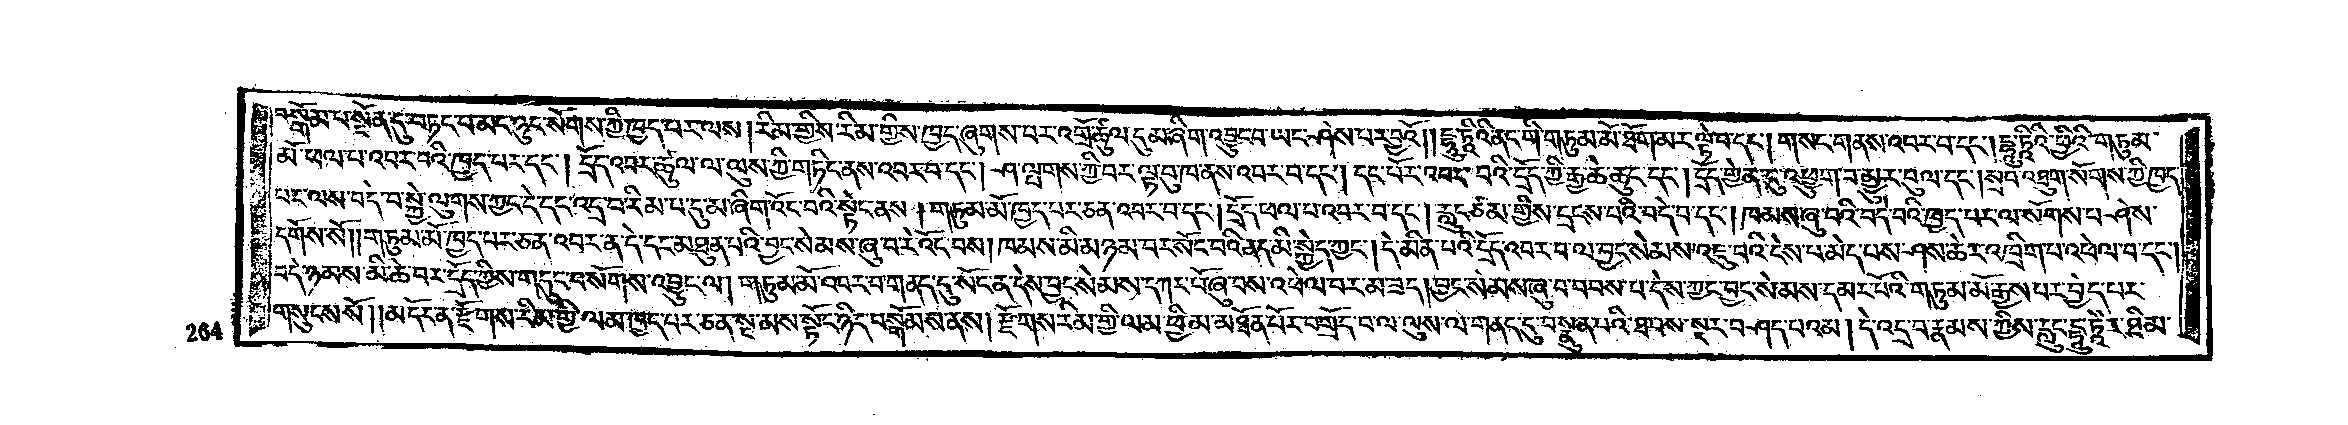བསྒོམ་པ་སྔོན་དུ་བཏང་བ་མང་ཉུང་སོགས་ཀྱི་ཁྱད་པར་ལས། རིམ་གྱི་རིམ་གྱིས་ཁྱད་ཞུགས་པར་འགྲོ་ཚུལ་དུ་མ་ཞིག་འབྱུང་བ་ཡང་ཤེས་པར་བྱའོ། །དྷཱུ་ཏཱིའི་ནང་གི་གཏུམ་མོ་ཐོག་མར་ལྟེ་བ་དང་། གསང་གནས་འབར་བ་དང་། དྷཱུ་ཏཱིའི་ཕྱིའི་གཏུམ་
མོ་ཕལ་པ་འབར་བའི་ཁྱད་པར་དང་། དྲོད་འབར་ཚུལ་ལ་ལུས་ཀྱི་གཏིང་ནས་འབར་བ་དང་། ཤ་ལྤགས་ཀྱི་བར་ལྟ་བུ་ཁ་ནས་འབར་བ་དང་། དང་པོར་འབར་བའི་དྲོད་ཀྱི་རྒྱ་ཆེ་ཆུང་དང་། དྲོད་གྱེན་དུ་འཕྱུག་བ་མྱུར་བུལ་དང་། སྲབ་འཐུག་སོགས་ཀྱི་ཁྱད་
པར་ལས་བདེ་བ་སྐྱེ་ལུགས་ཀྱང་དེ་དང་འདྲ་བ་རིམ་པ་དུ་མ་ཞིག་འོང་བའི་སྟེང་ནས། གཏུམ་མོ་ཁྱད་པར་ཅན་འབར་བ་དང་། དྲོད་ཕལ་བ་འབར་བ་དང་། རླུང་ཙམ་གྱིས་དྲངས་པའི་བདེ་བ་དང་། ཁམས་ཞུ་བའི་བདེ་བའི་ཁྱད་པར་ལ་སོགས་པ་ཤེས་
དགོས་སོ། །གཏུམ་མོ་ཁྱད་པར་ཅན་འབར་ན་དེ་དང་མཐུན་པའི་བྱང་སེམས་ཞུ་བ་རེ་འོང་བས། ཁམས་མི་མཉམ་བར་སོང་བའི་ནད་མི་སྐྱེད་ཀྱང་། དེ་མིན་པའི་དྲོད་འབར་བ་ལ་བྱང་སེམས་འཇུ་བའི་ངེས་པ་མེད་པས་ཤེས་ཆེར་འཁྲིག་པ་འཕེལ་བ་དང་།
བདེ་ཉམས་མི་ཆེ་བར་དྲོད་ཀྱིས་གདུང་བ་སོགས་འབྱུང་ལ། གཏུམ་མོ་འབར་བ་གནད་དུ་སོང་ན་དེས་བྱང་སེམས་དཀར་པོ་ཞུ་བས་འཕེལ་བར་མ་ཟད། བྱང་སེམས་ཞུ་བ་བབས་པ་དེས་ཀྱང་བྱང་སེམས་དམར་པོའི་གཏུམ་མོ་རྒྱས་པར་བྱེད་པར་
གསུངས་སོ། །མདོར་ན་རྫོགས་རིམ་གྱི་ལམ་ཁྱད་པར་ཅན་སྔ་མས་སྟོང་ཉིད་བསྒོམས་ནས། རྫོགས་རིམ་གྱི་ལམ་ཕྱི་མ་མཐོན་པོར་བགྲོད་བ་ལ་ལུས་ལ་གནད་དུ་བསྣུན་པའི་ཐབས་སྔར་བཤད་པའམ། དེ་འདྲ་བ་རྣམས་ཀྱིས་རླུང་དྷཱུ་ཏཱིར་ཐིམ་